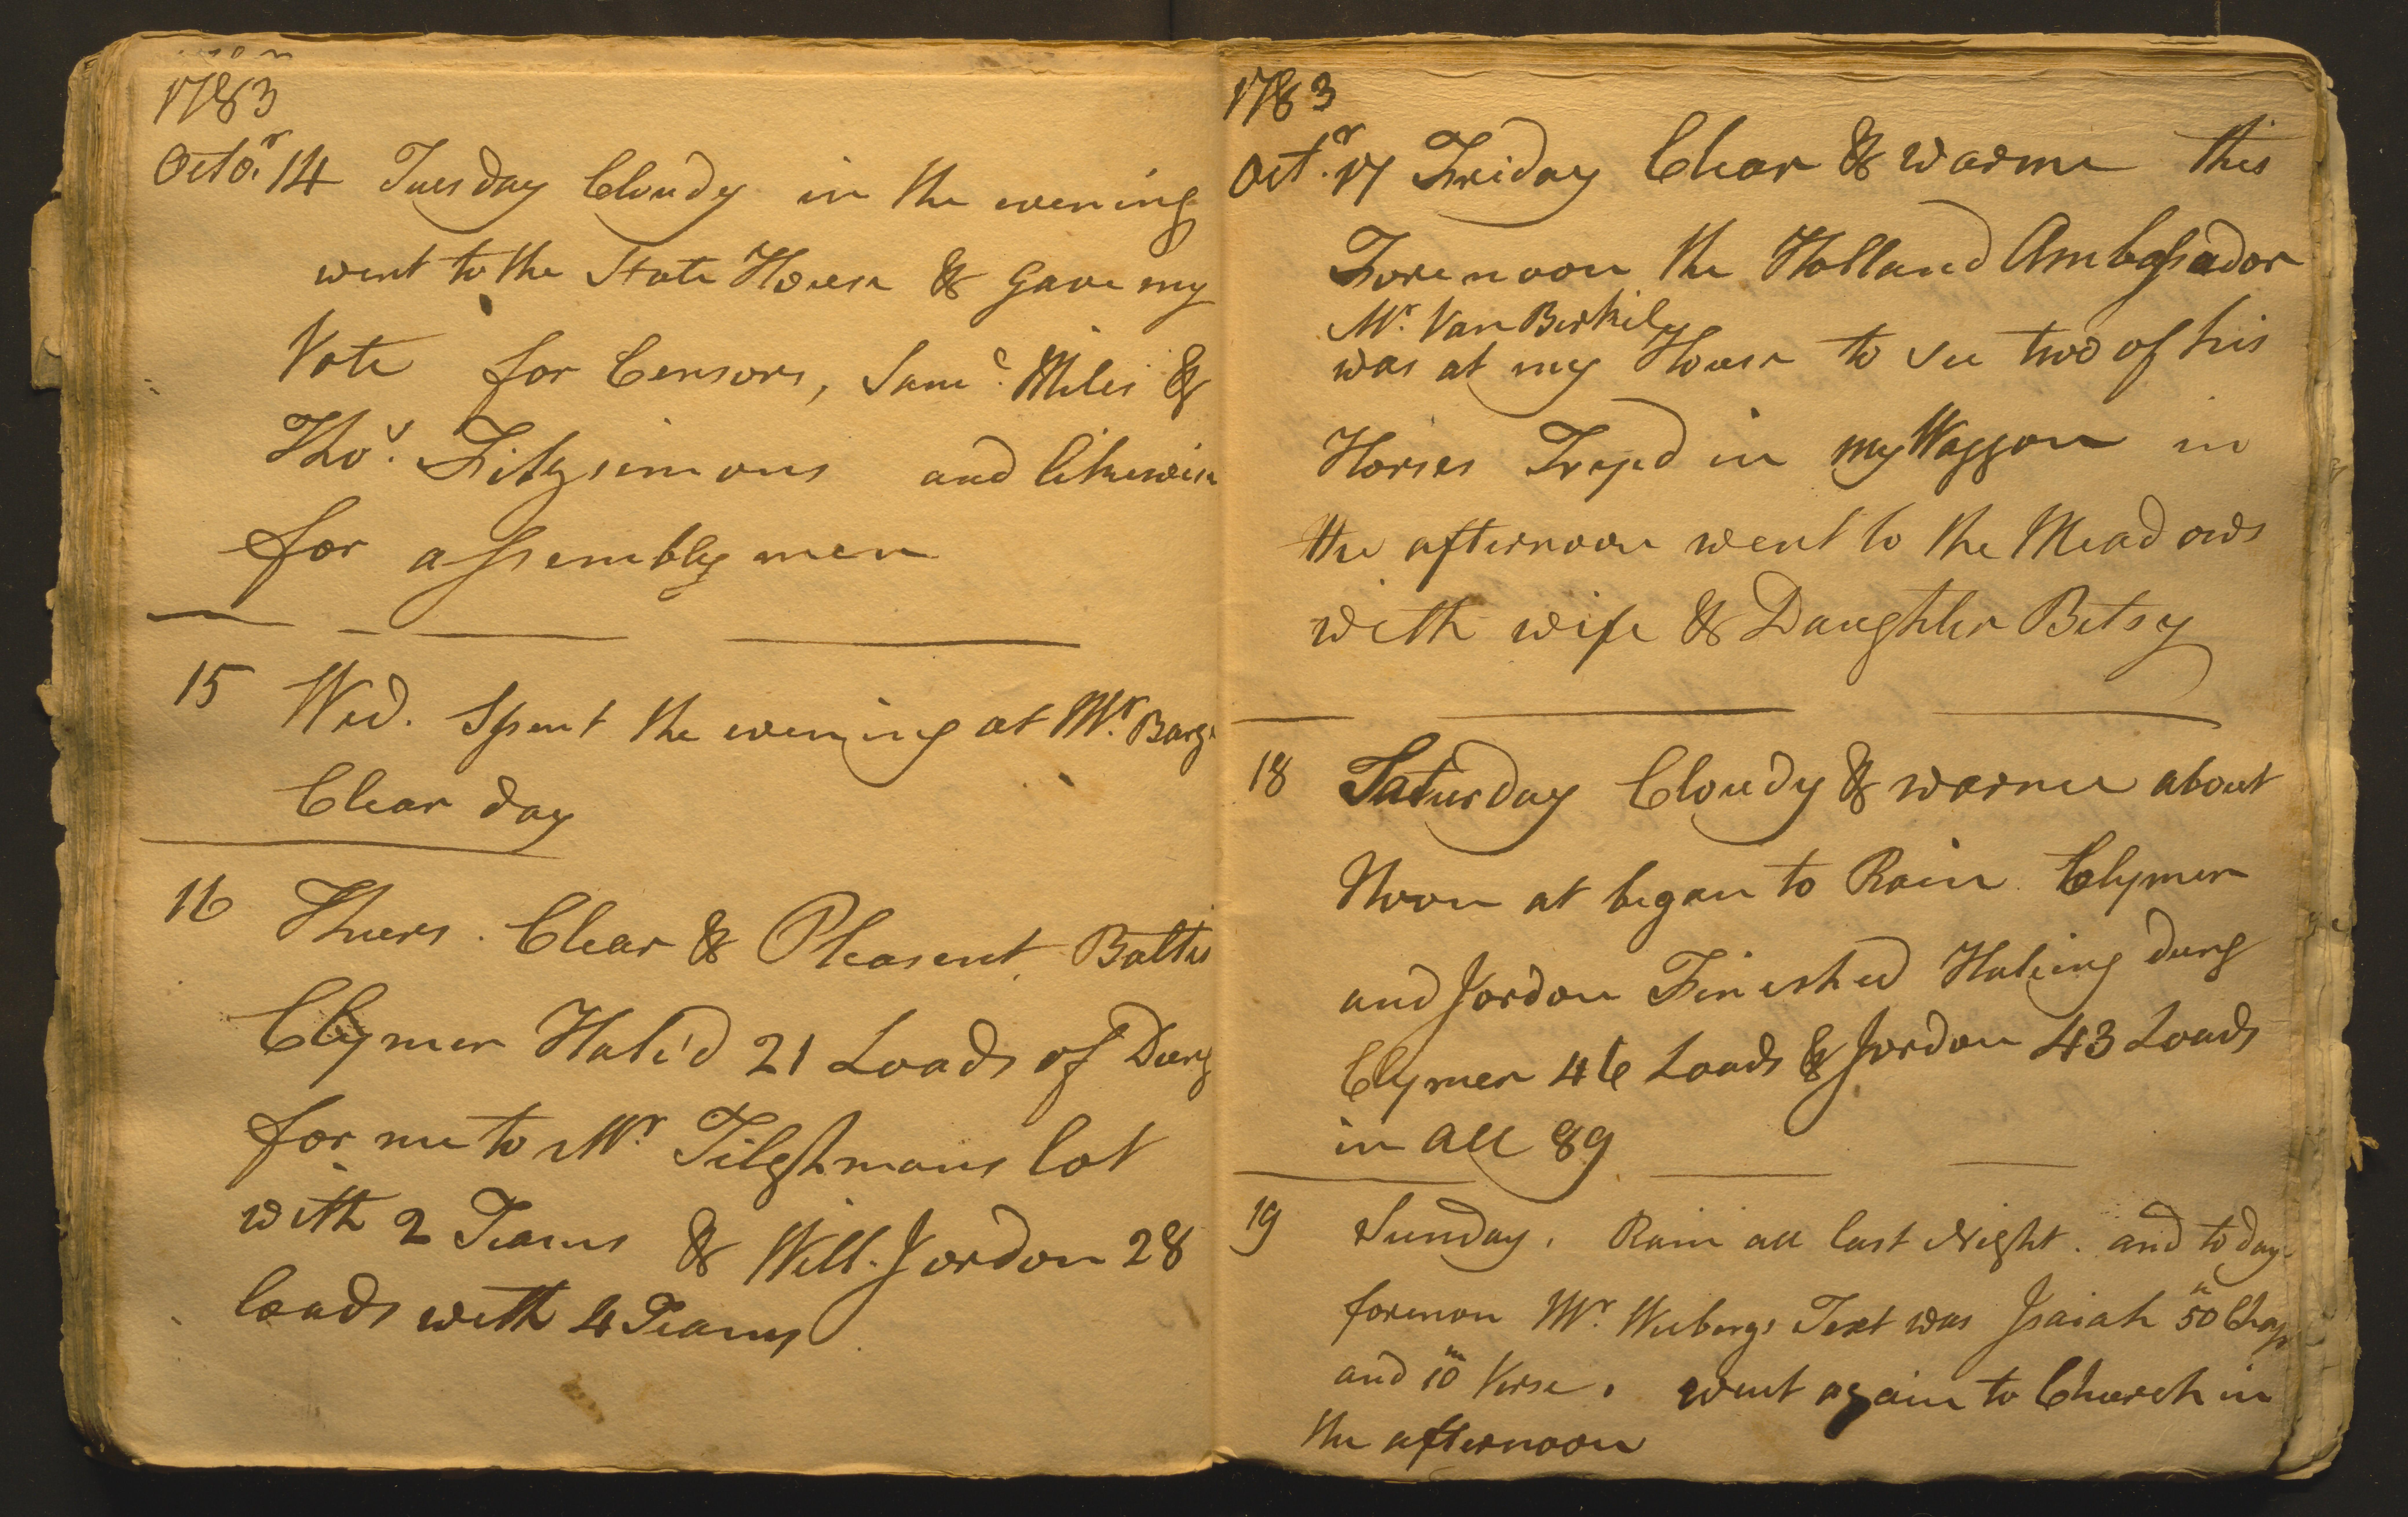1783
Octo^r. 14 Tuesday Cloudy in the evening
went to the State House & Gave my
Vote for Censors, Sam^l. Miles &
Tho^s. Fitzsemons and likewise
for assembly men
15 Wed. spent the evening at M^r. Barge
Clear day
16 Thurs^s. Clear & Pleasent Baltes
Clymer Hale'd 21 Loads of Dung
for me to M^r. Tilghmans lot
with 2 Teams & Will Jordon 28
loads with 4 Teams
1783
Oct^r. 17 Friday Clear & Warme this
Forenoon the Holland Ambassador
M^r. Van Berkily
was at my House to see two of his
Horses Tryed in My Waggon in
the afternoon went to the Meadows
with wife & Daughter Betsy
18 Saturday Cloudy & warme about
Noon at began to Rain. Clymer
and Jordon Finished Haling dung
Clymer 46 Loads & Jordan 43 Loads
in all 89
19 Sunday. Rain all last Night. and to day
forenon M^r. Weibergs Text was Isaiah 50^th Chap
and 10^th Verse. went again to Church in
the afternoon